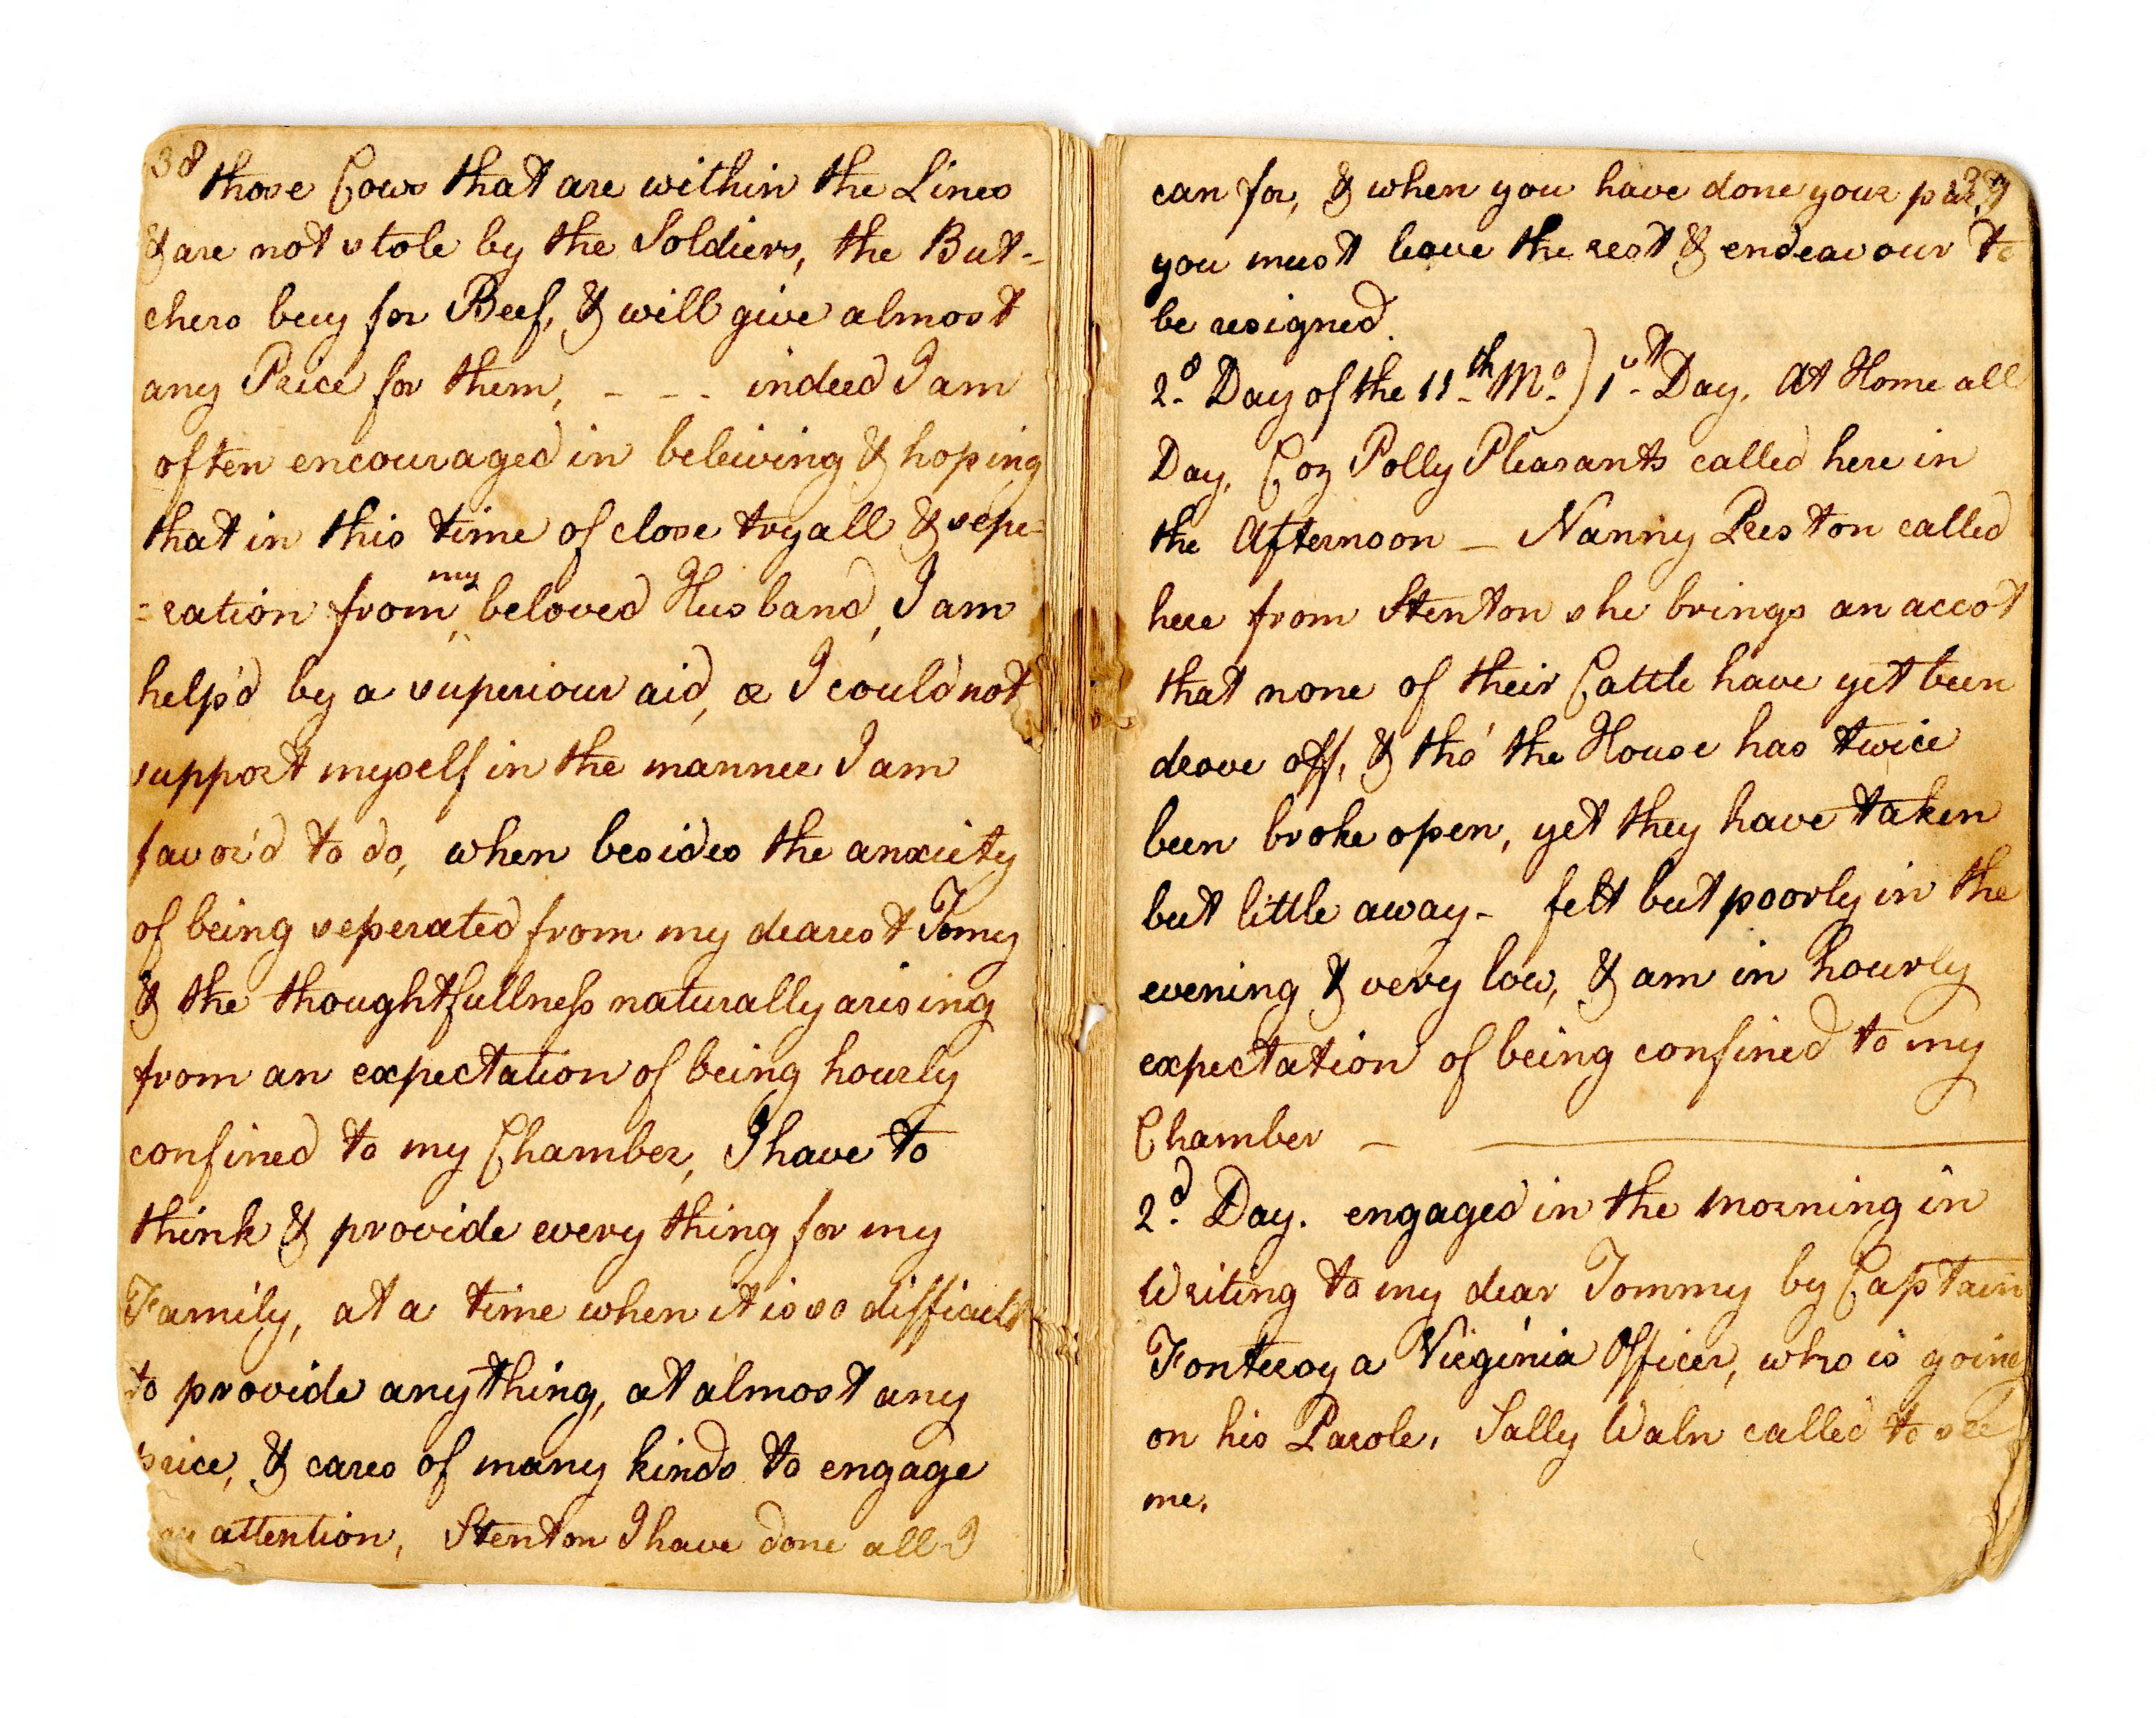38
those Cows that are within the Lines
& are not stole by the Soldiers, the But-
chers buy for Beef, & will give almost
any Price for them,-- indeed I am
often encouraged in beleiving & hoping
that in this time of close tryall & sepe-
my
-ration from ^ beloved Husband, I am
help'd by a superiour aid, & I could not
support myself in the manner I am
favor'd to do, when besides the anxiety
of being seperated from my dearest Tomy
& the thoughtfullness naturally arising
from an expectation of being hourly
confined to my Chamber, I have to
think & provide every thing for my
Family, at a time when itis so difficul
to provide anything, at almost any
price, & cares of many kinds to engage
[__] attention, Stenton I have done all I
can for, & when you have done your part 39
you must leave the rest & endeavour to
be resigned.
2^d Day of the 11^th M^o) 1^st Day, At Home all
Day, Coz Polly Pleasants called here in
the Afternoon, Nanny Preston called
here from Stenton she brings an accot
that none of their Cattle have yet been
drove off, & tho' the House has twice
been broke open, yet they have taken
but little away- felt but poorly in the
evening & very low, & am in hourly
expectation of being confined to my
Chamber-
2^d. Day. engaged in the morning in
Writing to my dear Tommy by Captain
Fontersy a Virginia Officer, who is going
on his Parole, Sally Waln called to see
me,